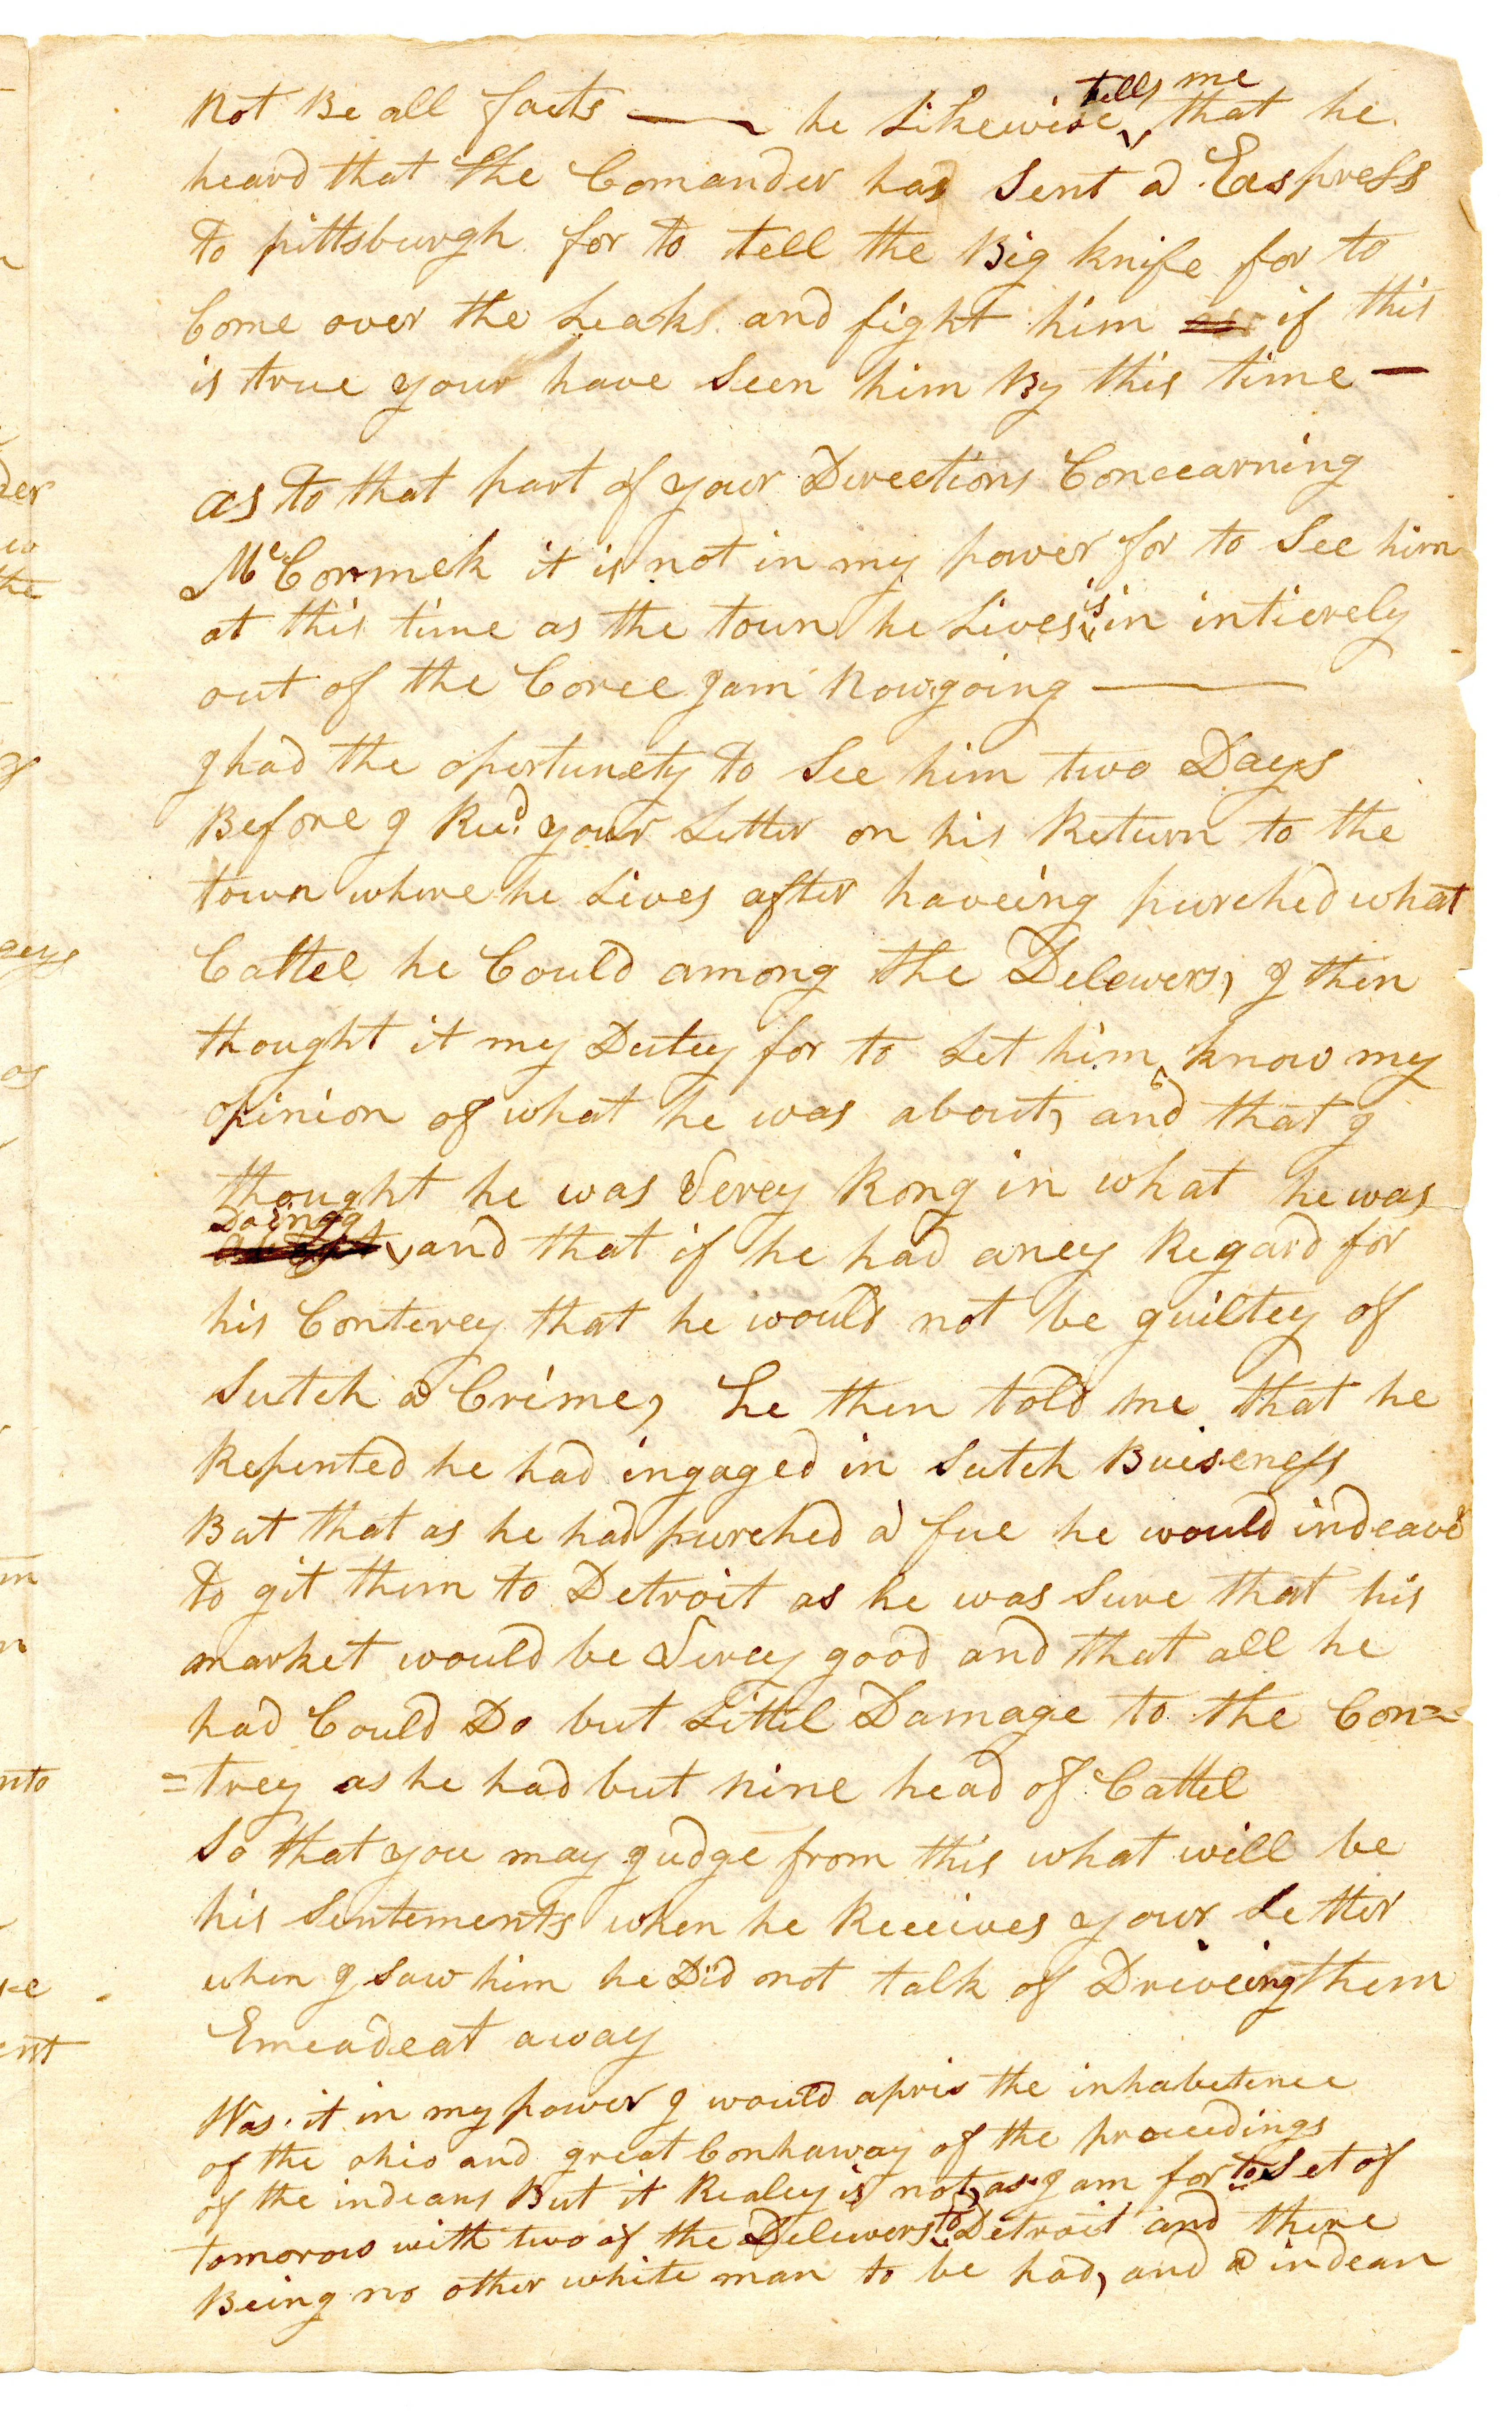tells me
Not Be all facts- he Likewise ^ that he
heard that the Comander had Sent a Exspress
to pittsburgh for to tell the Big knife for to
Come over the Leaks and fight him as if this
is true your have Seen him By this time-
as to that part of your Directions Concearning
M^cCormek it is not in my power for to See him
at this time as the toun he Lives ^is in intierely
out of the Corse I am Now going-
I had the opertunety to See him two Days
Before I Reed your Letter on his Return to the
town where he Lives after haveing purched what
Cattel he Could among the Delewers, I then
thought it my Dutey for to Let him know my
opinion of what he was about, and that I
thought he was verey Rong in what he was
Doing
[Alright] ^ and that if he had aney Regard for
his Conterey that he would not be guiltey of
Sutch a Crime, he then told me that he
Repented he had ingaged in Sutch Buiseness
But that as he had purched a fue he would indeaver
to git them to Detroit as he was sure that his
market would be Verey good and that all he
had Could Do but Littel Damage to the Con-
-trey as he had but nine head of Cattel
So that you may judge from this what will be
his Sentements when he Receives your Letter
when I saw him he Did not talk of Driveing them
Emeadeat away
Was it in my power I would apris the inhabetence
of the Ohio and great Conhaway of the proceedings
of the indians But it Realey is not, as I am for to set of
tomorow with two of the Delewers to Detroit and there
Being no other white man to be had, and a indean